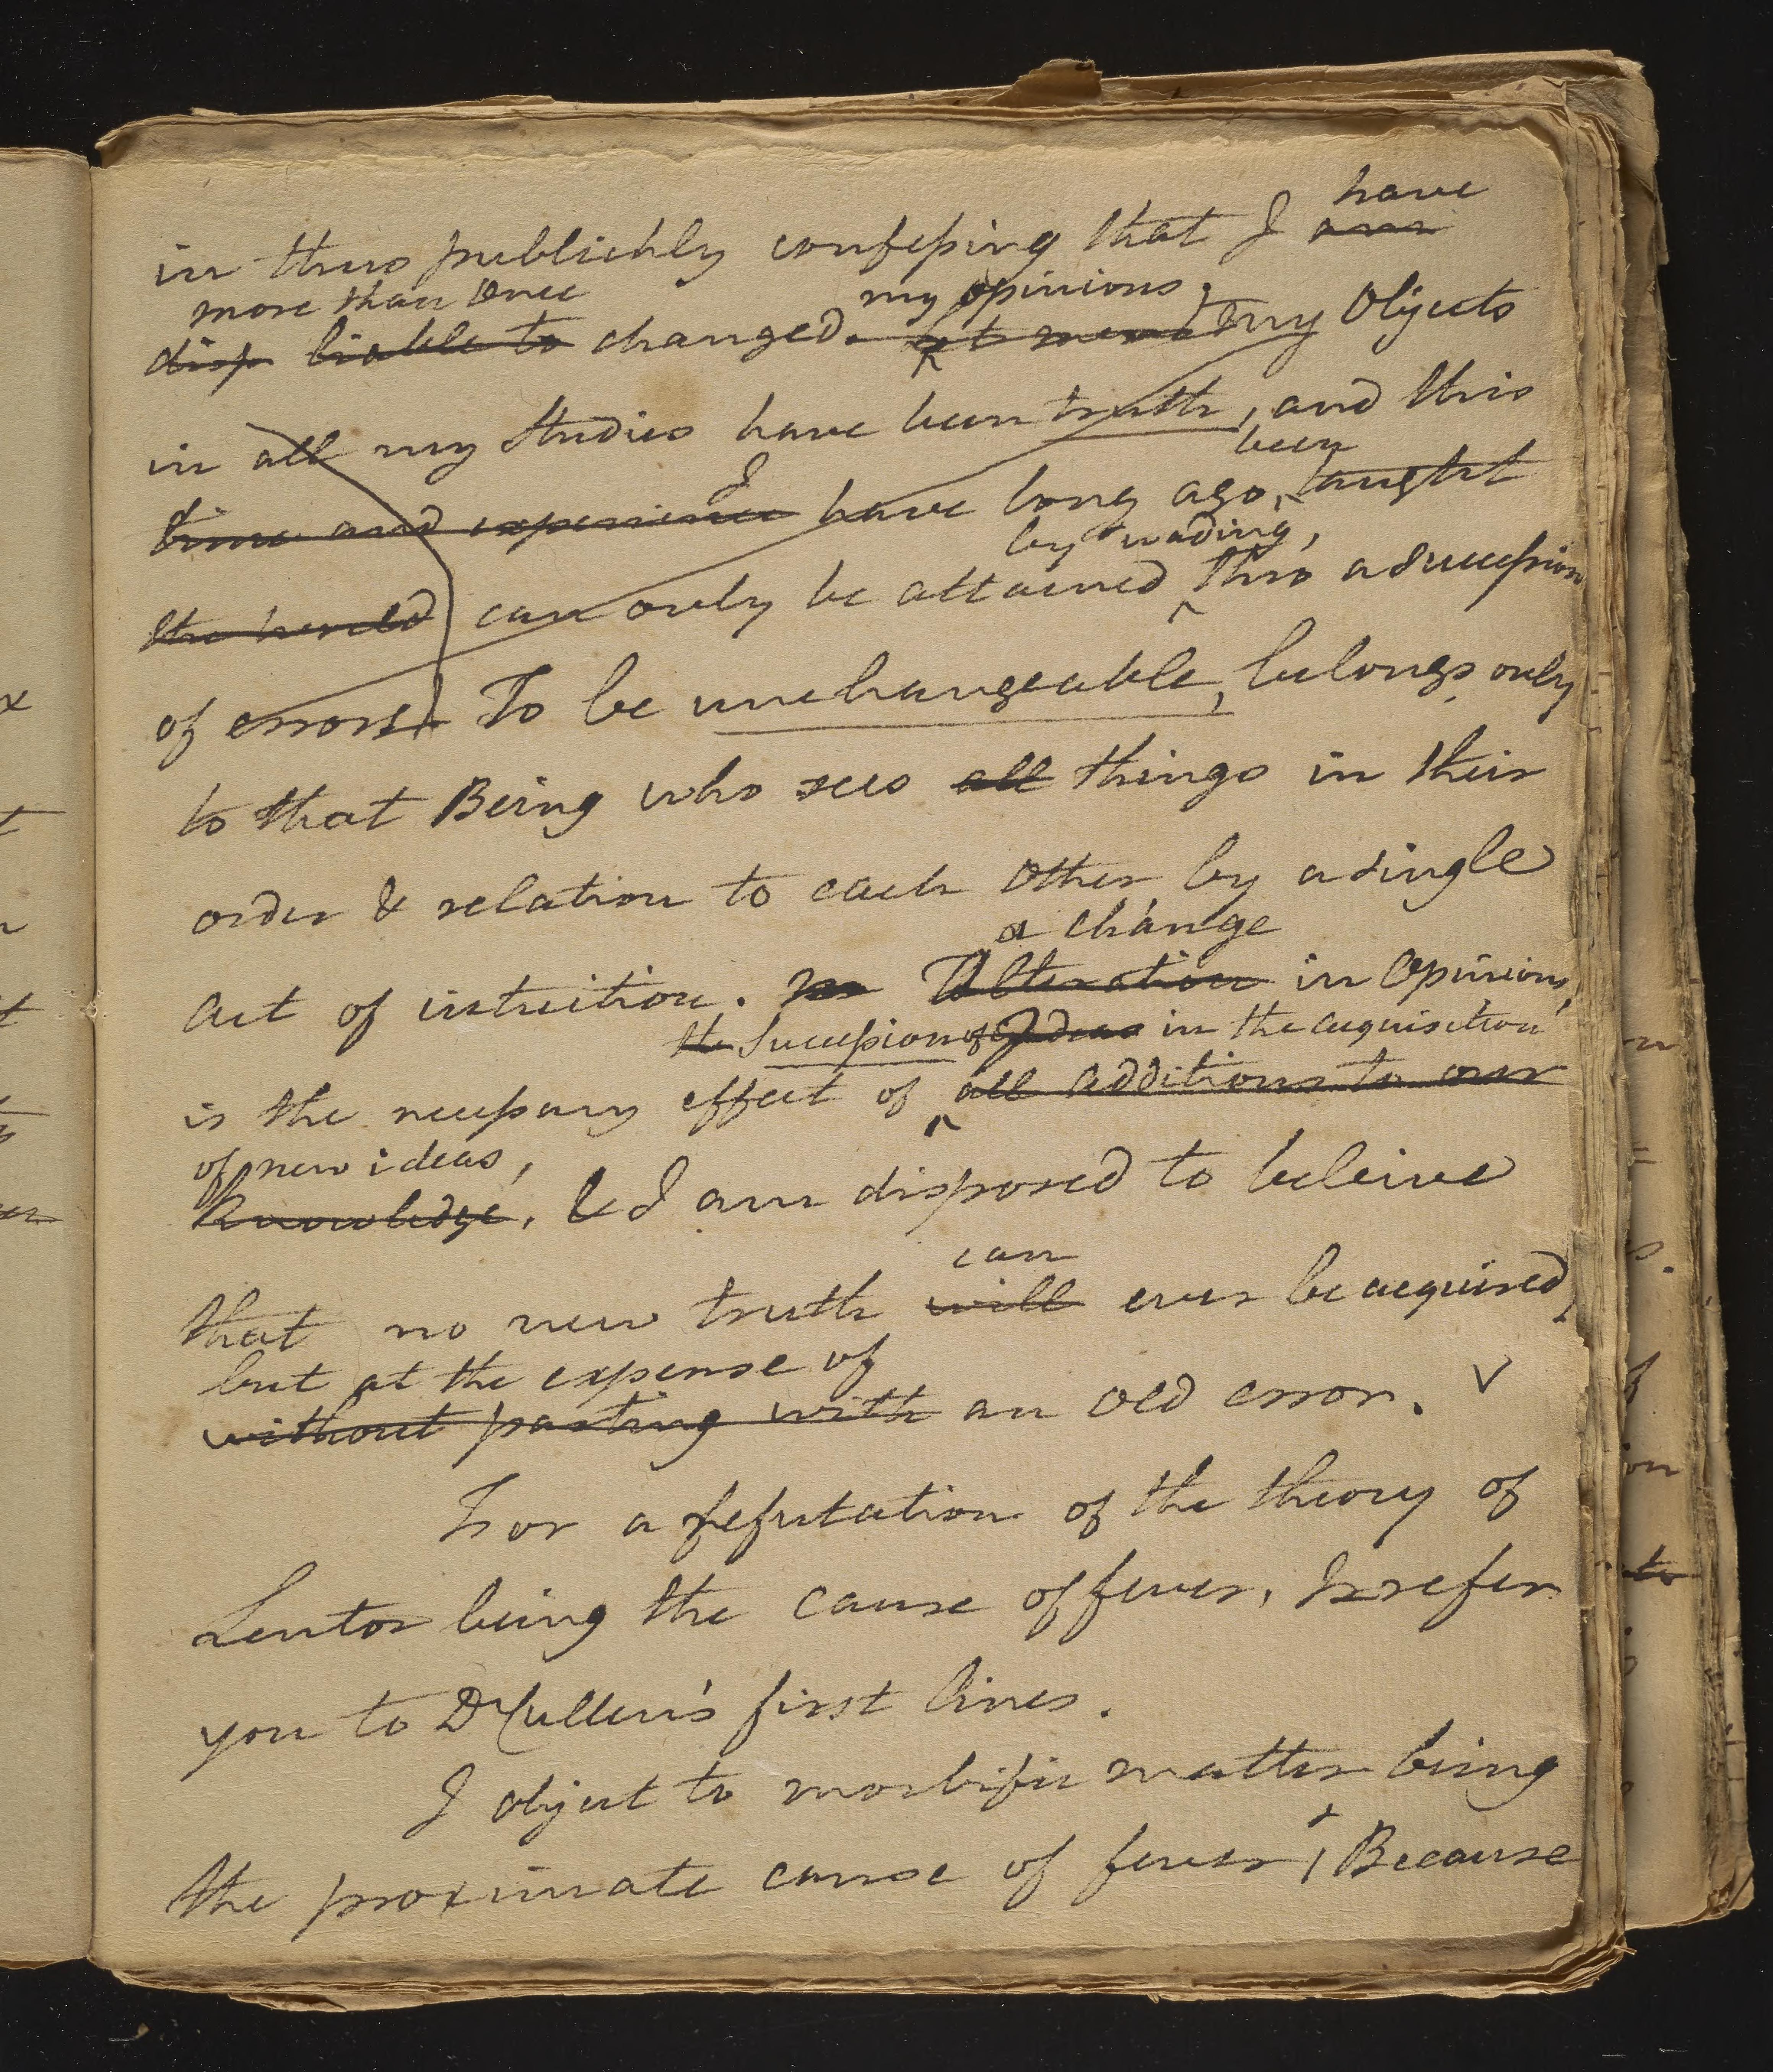have
in this publickly confessing that I [am]
more than once
my opinions
[disp] [liable to] changed ^ [at men] (my objects
in all my studies have been truth, and this
been
[time and expression] ^I have long ago ^ taught
by wading
[the world] can only be attained ^ thro' a succession
of errors. To be unchangeable belongs only
to that Being who sees [all] things in this
order & relation to each other by a single
a change
act of intuition. [no Alteration] in opinion
[the] succession [of Ideas] in the acquisition
is the necessary effect of ^ [all Additions to our]
of new ideas,
[knowledge], of new ideas & I am disposed to believe
can
that no new truth [will] ever be acquired
but at the expense of
[without parting with] an old error.
For a refutation of the theory of
Lentos being the cause of fever, & refer
you to D^r Cullen's first lines.
I object to morbific matter being
the proximate cause of fever, Because